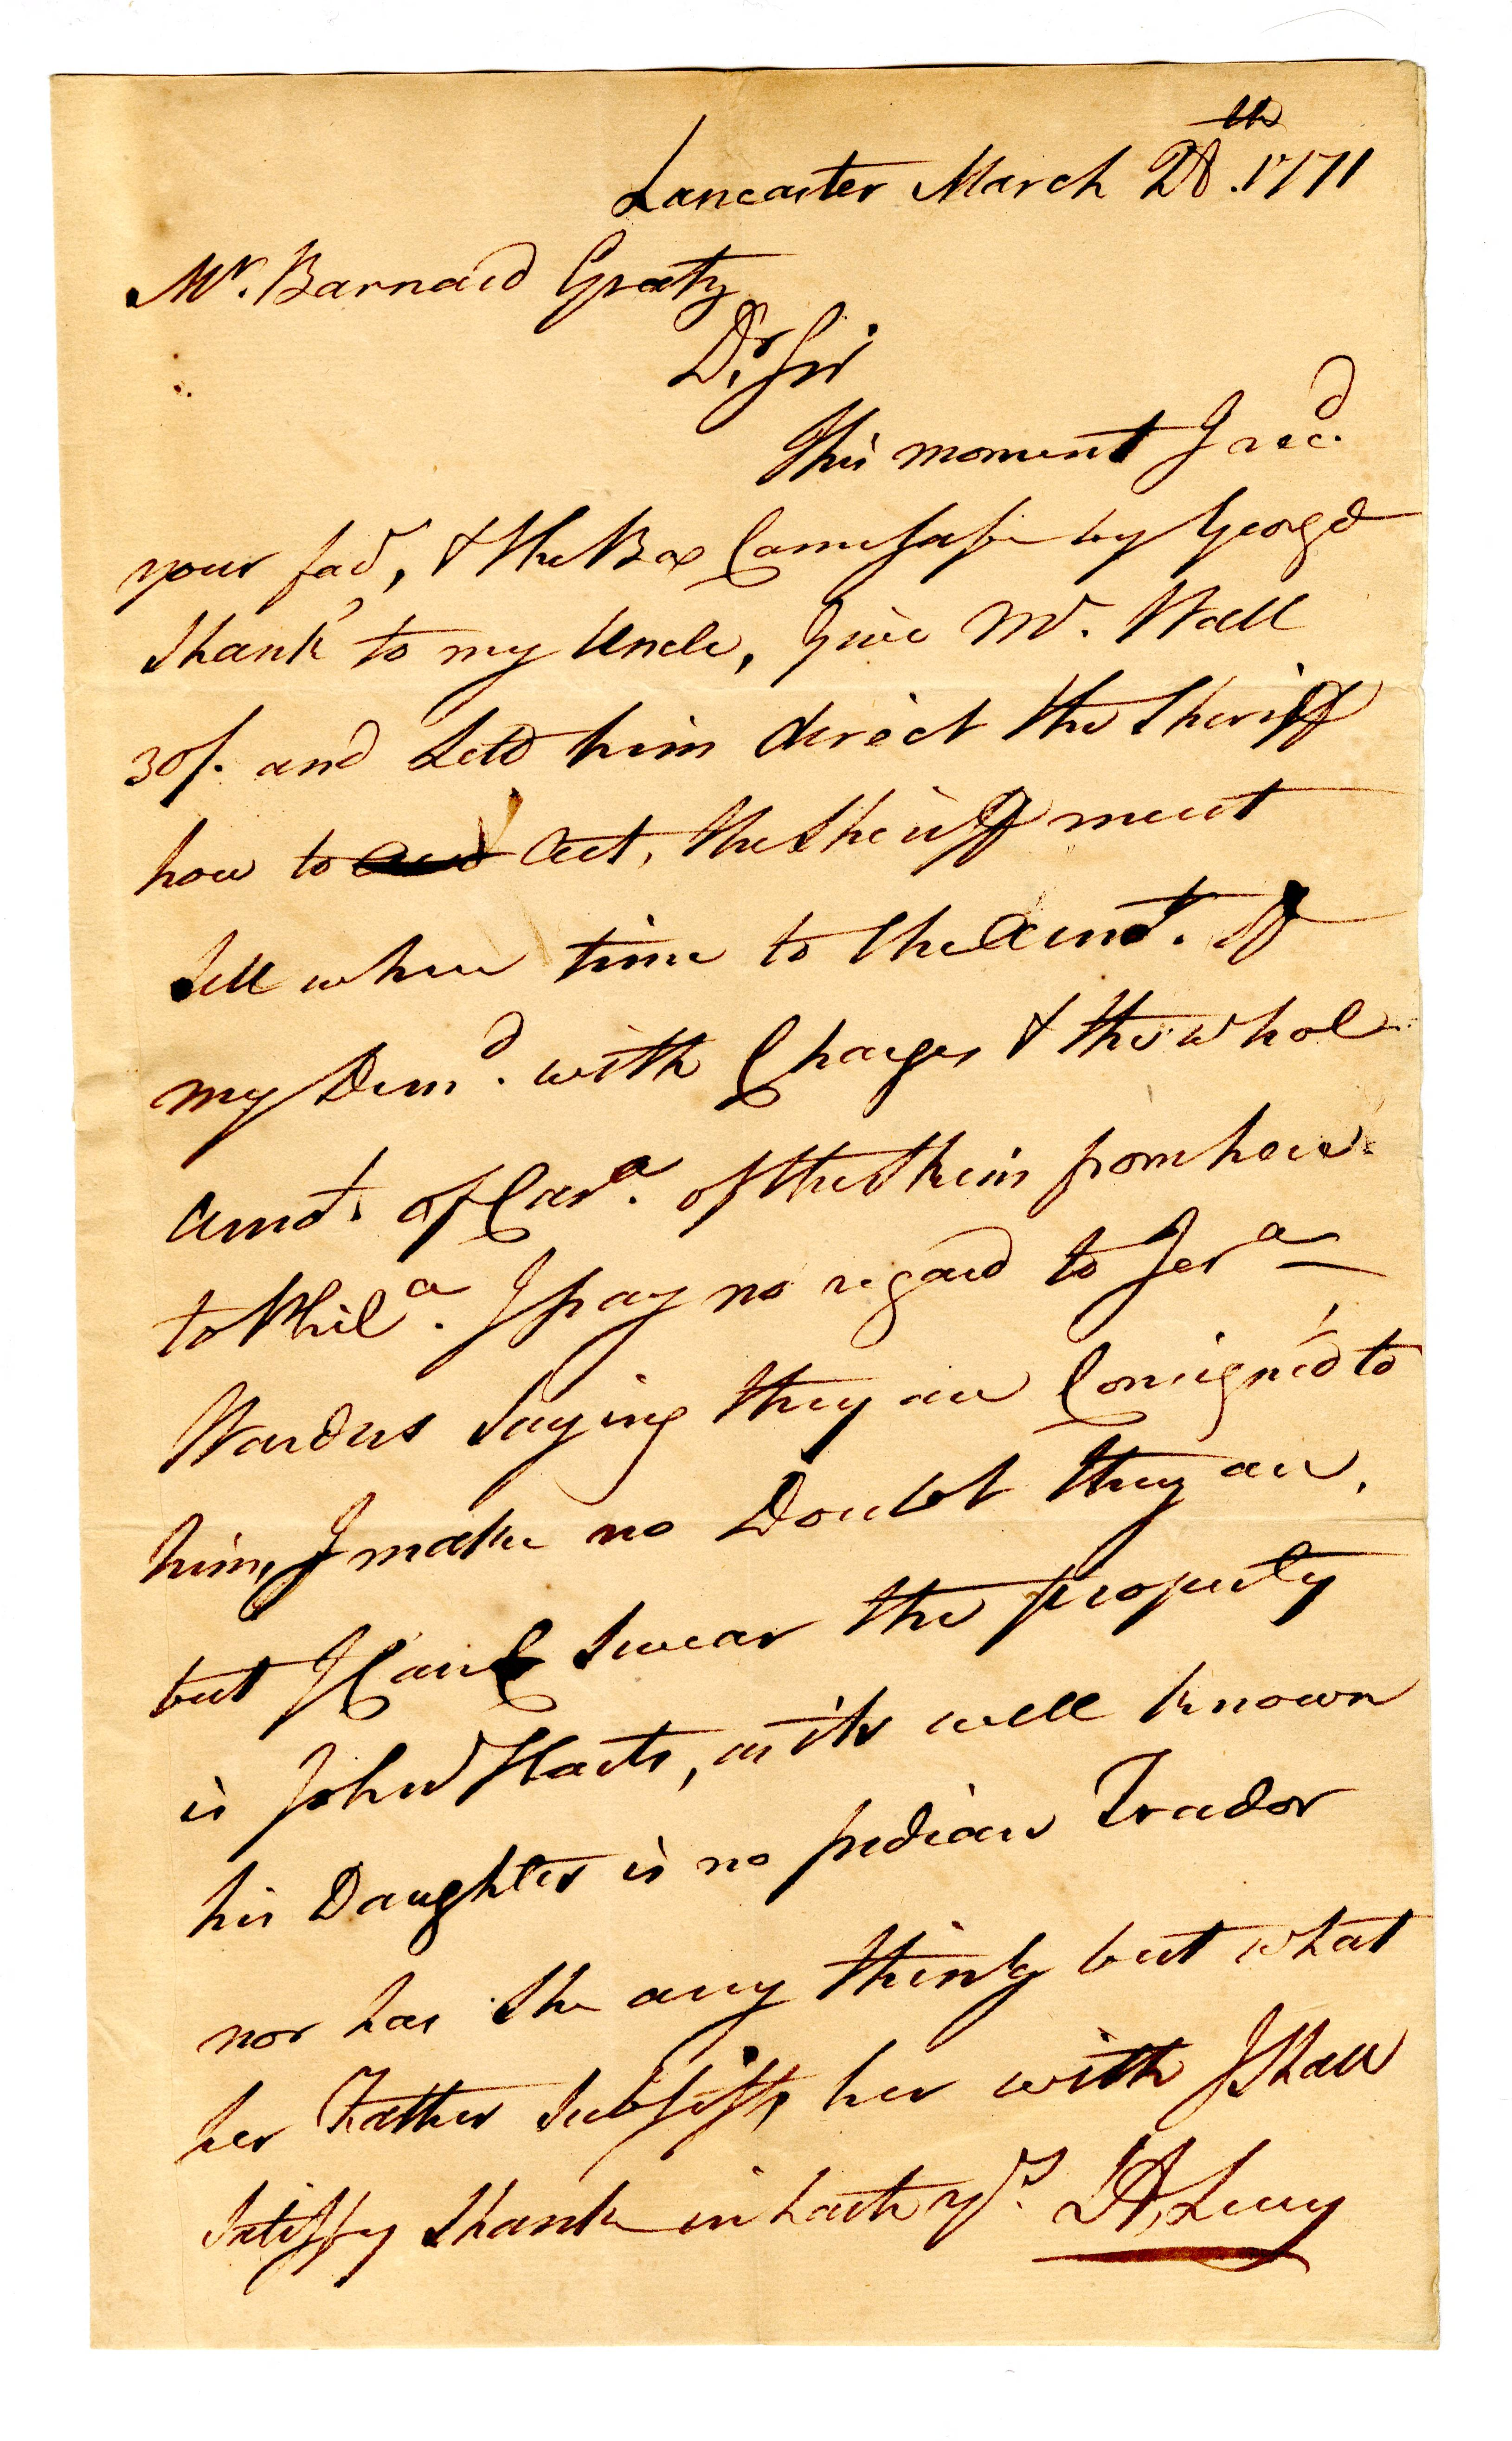Lancaster March 28^th. 1771
M^r. Barnard Gratz,
D^r Sir
This moment I rec^d
your fav^r, & the Box Comisap came safe by George
Shank to my Uncle, Give M^r. Wall
30s. and Lett him direct the Sheriff
how to [Acct] Act, that he in & meet
sell when time to the acco^t. of
my Dem^d. with Charges & the whole
amo^t of Cas^a. of that him from here
to Phil^a I pay no regard to Jer^a.,
Wardes saying they are Consigned to
him I make no Doubt they are.
but I can swear the property
is John Harts, as its well known
his Daughter is no pedious Trader
nor has she any thing but what
her rather subsists her with shall
Intisty Shank in haste y^r. A, Levy